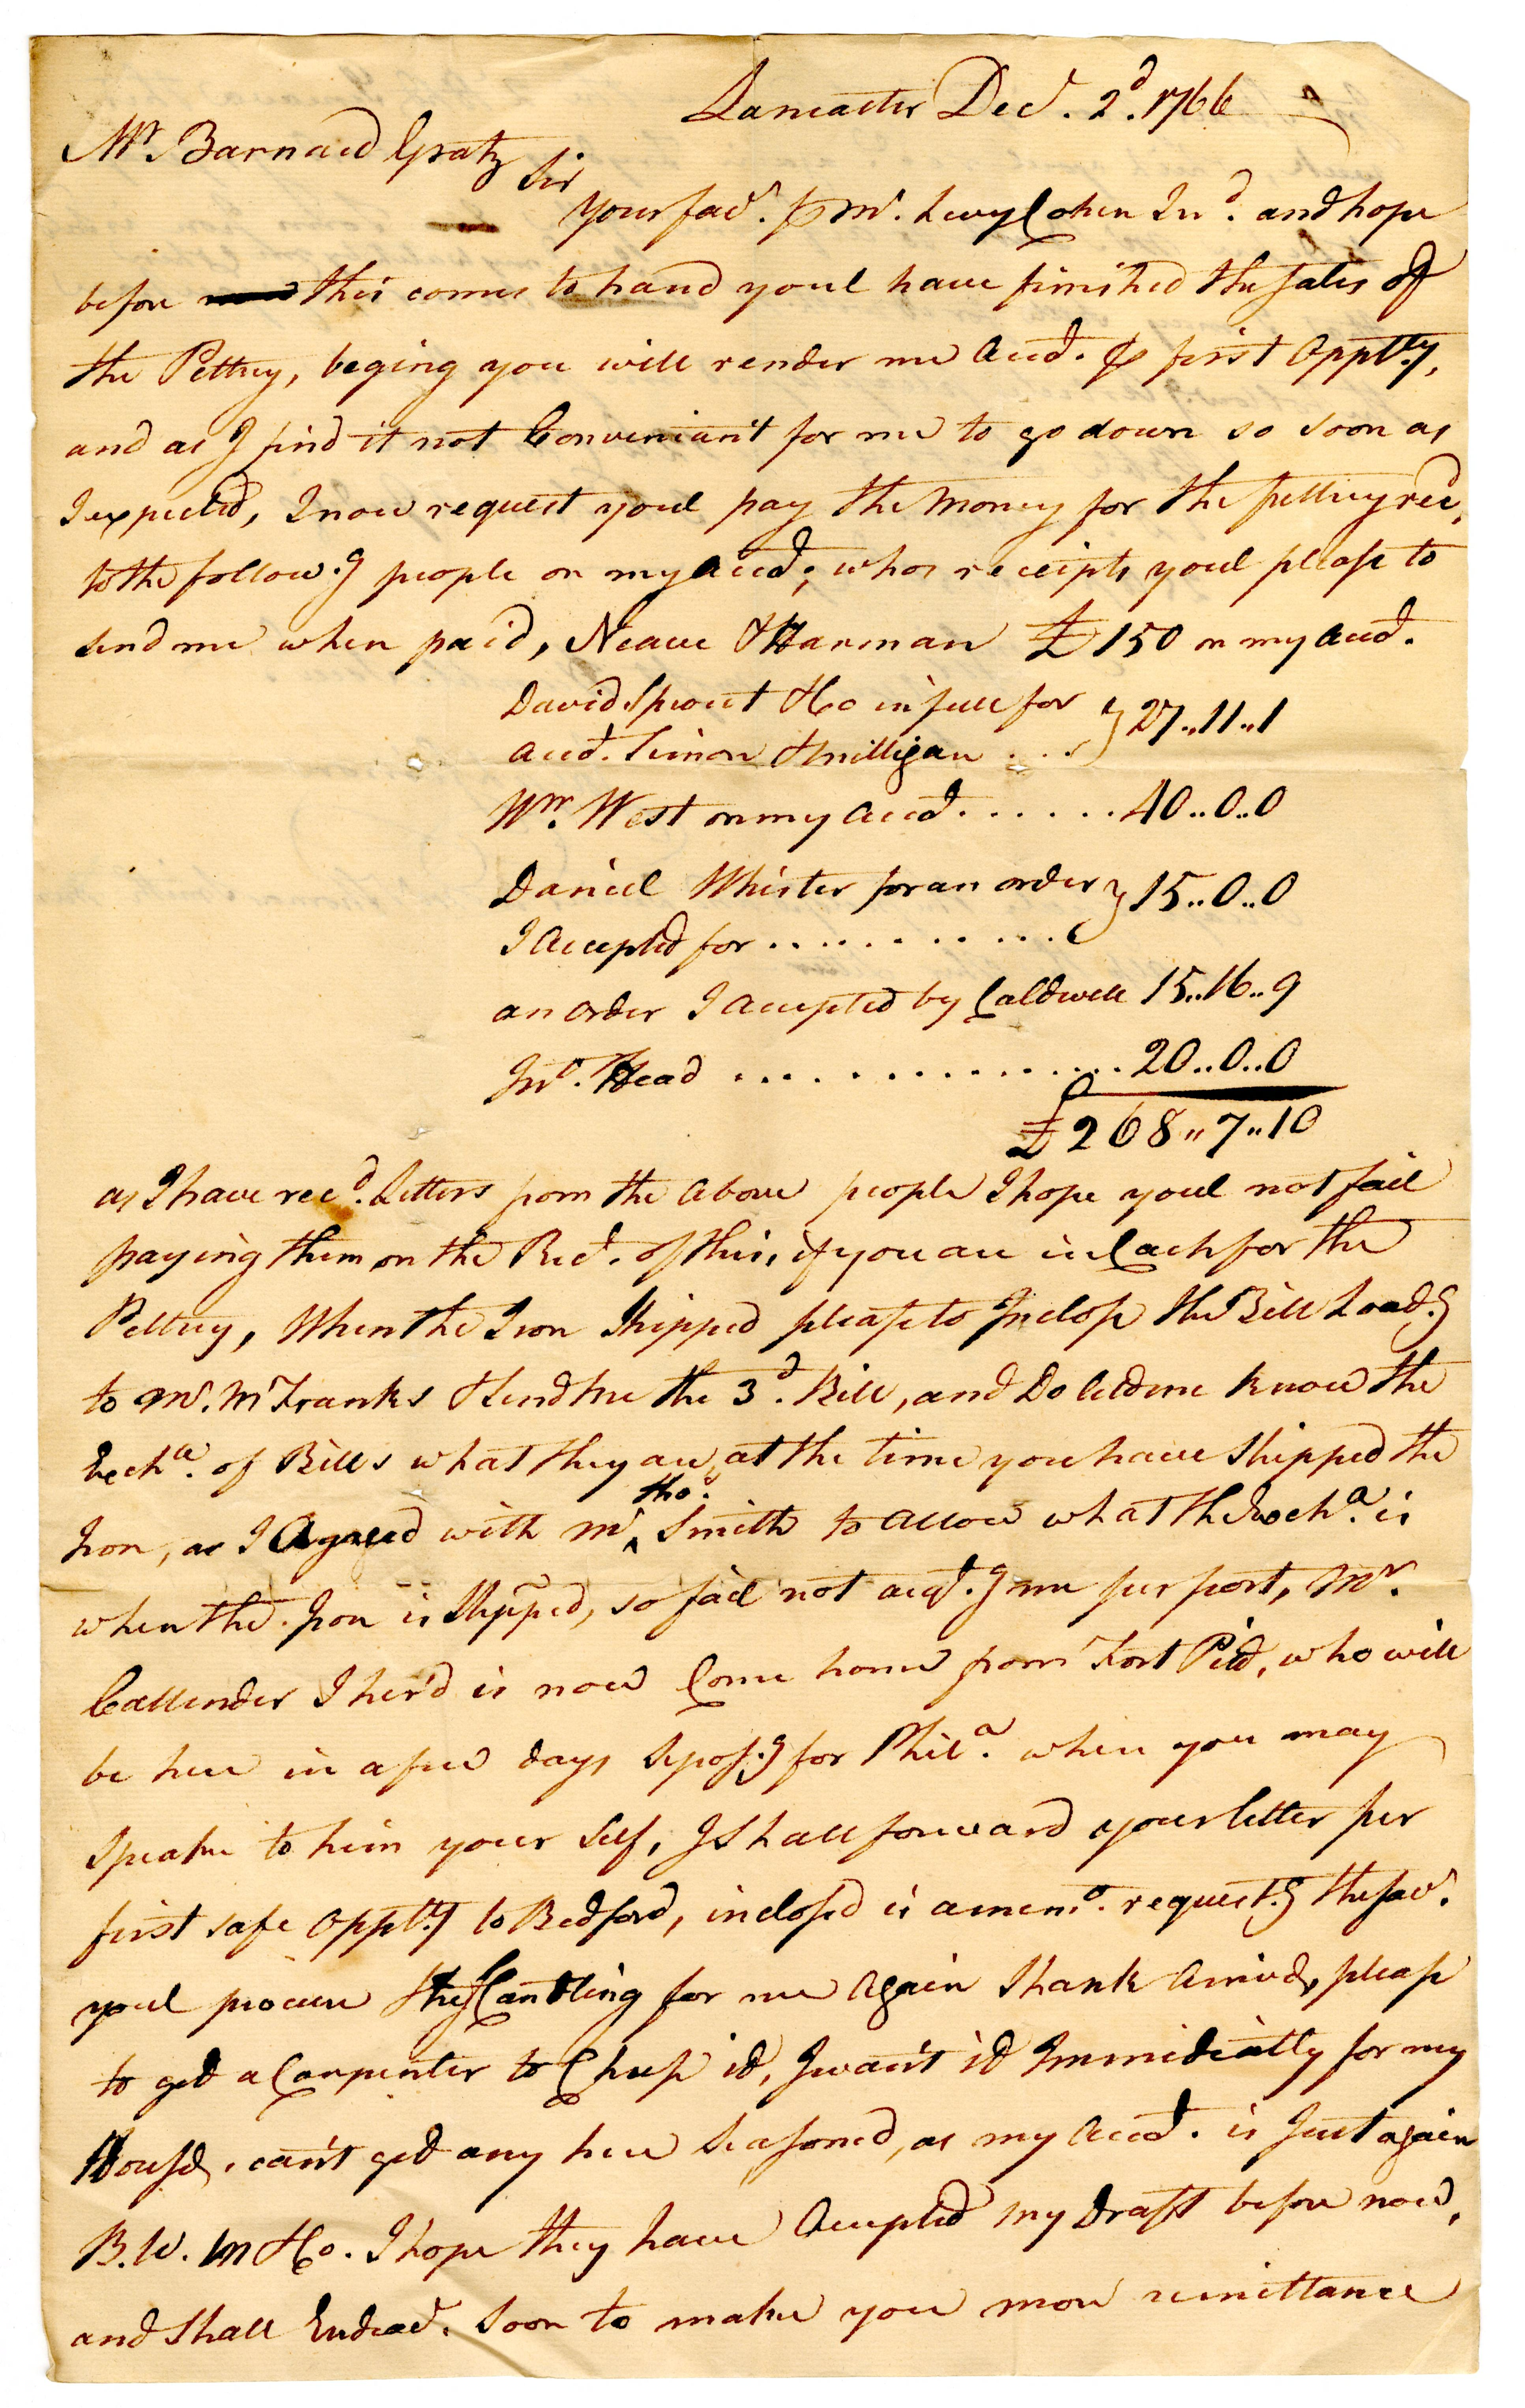Lancaster Dec^r. 2^d. 1766
M^r. Barnard Gratz
Sir
Your fav^r. per m^r. Levy Cohen In^d. and hope
before [___] this comes to hand youl have finished the sales of
the Peltry, beging you will render me acco^t. per first Opp^ty,
and as I find it not Conveniant for me to go down so soon as
I expected, I now request youl pay the money for the peltry rec^d
to the follow.^g people on my acco^t., whos receipts youl please to
send me when paid, Neave & Harman £150 on my acco^t.
David Sprout &Co in full for
acco^t. Simon & Milligan
927..11..1
M^r. West on my acco^t . . . . . . 40..0..0
Daniel Whister for an order 15..0..0
I Accepted for
an order I accepted by Caldwell 15..16..9
In^d. Head ............ .. 20..0..0
£268..7..10
as I have rec^d. Letters from the Above people I hope youl not fail
paying them on the Rec^t. of this if you are in Cash for the
Peltry, When the Iron Shipped please to Inclose the Bill Load.g
to M^r. M Franks & send me the 3^d. Bill, and Do letd me know the
Exch^a. of Bills what they are, at the time you have shipped the
Iron, as I agreed with M^r ^ Smith to allow what the Ixch^a is
tho^s.
when the Iron is shipped, so fad not acq^t.g me per post, M^r
Callender I her'd is now Come home from Fort Pitd, who will
be here in a few days Depos.g for Phil^a. when you may
speake to him your Self, I shall forward your letter per
first safe opp^ty. to Bedford, inclosed is amen^t request^g. of the fav^r.
you procure the Cantling for me again shank Arrivd, please
to get a Carpenter to Chap it. I wan't id Immiediatly for my
Hould, cant get any here Seasoned, as my Acco^t. is Just again
B. W. &Co. I hope they have Accepted my Draft before now,
and shall Endeav^r. soon to make you more remittance